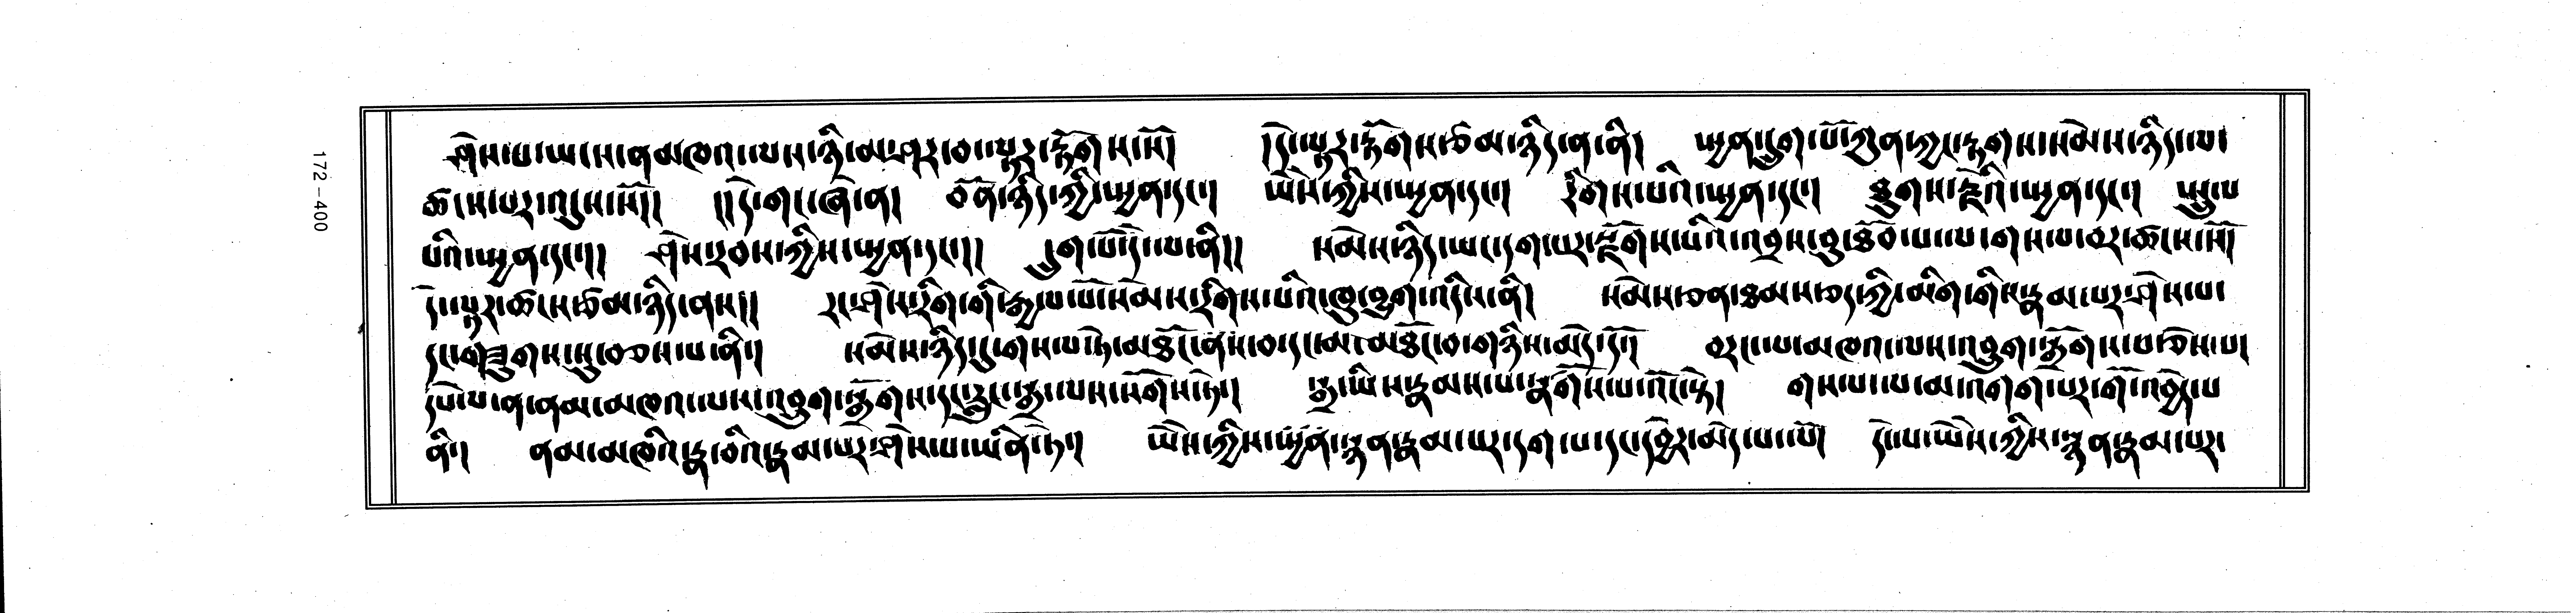ཤེས་པ་ཡང་ནམ་མཁའ་ལས་ཉི་མ་ཤར་བ་ལྟར་རྟོགས་སོ། དེ་ལྟར་རྟོགས་ཙམ་ཉིད་ན་ནི། སྤྱན་དྲུག་པོ་ཀུན་ཀྱང་རྟགས་སེམས་ཉིད་ལ
་ཚངས་པར་འདུས་སོ། དེ་གང་ཞེ་ན། བོན་ཉིད་ཀྱི་སྤྱན་དང་། ཡེ་ཤེས་ཀྱིས་སྤྱན་དང་། རིག་པའི་སྤྱན་དང་། ཐུགས་རྗེའི་སྤྱན་དང་། སྤྲུལ་
པའི་སྤྱན་དང་། ཤེས་རབ་ཀྱིས་སྤྱན་དང་། དྲུག་པོ་དེ་ལ་ནི། སེམས་ཉིད་ཡང་དག་པར་རྫོགས་པའི་འབྲས་བུ་ཐོབ་པ་ལ་གསལ་བར་ཚངས་སོ། 
དེ་ལྟར་ཚངས་ཙམ་ཉིད་ནས། རང་ཤེས་རིག་གི་རྒྱལ་པོ་སེམས་རིག་པའི་ཁུ་བྱུག་འདིས་ནི། སེམས་ཅན་ཐམས་ཅད་ཀྱི་མིག་གིས་རྣམ་པར་ཤེས་པ་
དང་གཟུགས་སུ་བཅས་པ་ནི། སེམས་ཉིད་དུ་གསལ་ཏེ་མཐོང་བ་དང་མ་མཐོང་བ་གཉིས་མེད་དོ། བར་སྣང་ལ་མཁའ་ལས་འབྲུག་སྒྲོགས་པ་ཅེས་པ། 
དཔེལ་ན་ནམ་མཁའ་ལས་འབྲུག་སྒྲོགས་དང་རླུང་སྒྲ་ལས་སོགས་ཏེ། སྒྲ་ཡིས་རྣམ་པ་སྣ་ཚོགས་པ་འོང་སྟེ། གསལ་ལ་མ་འགག་པར་གོ་འབྱེད་པ་
ནི། ནམ་མཁའི་རྣ་བའི་རྣམ་པར་ཤེས་པ་ཡིན་ཏེ། ཡེ་ཤེས་ཀྱིས་སྙན་རྣམ་པར་དག་པ་དང་དབྱེར་མེད་པ་ལོ། དེ་ལ་ཡེ་ཤེས་ཀྱིས་སྙན་རྣམ་པར་